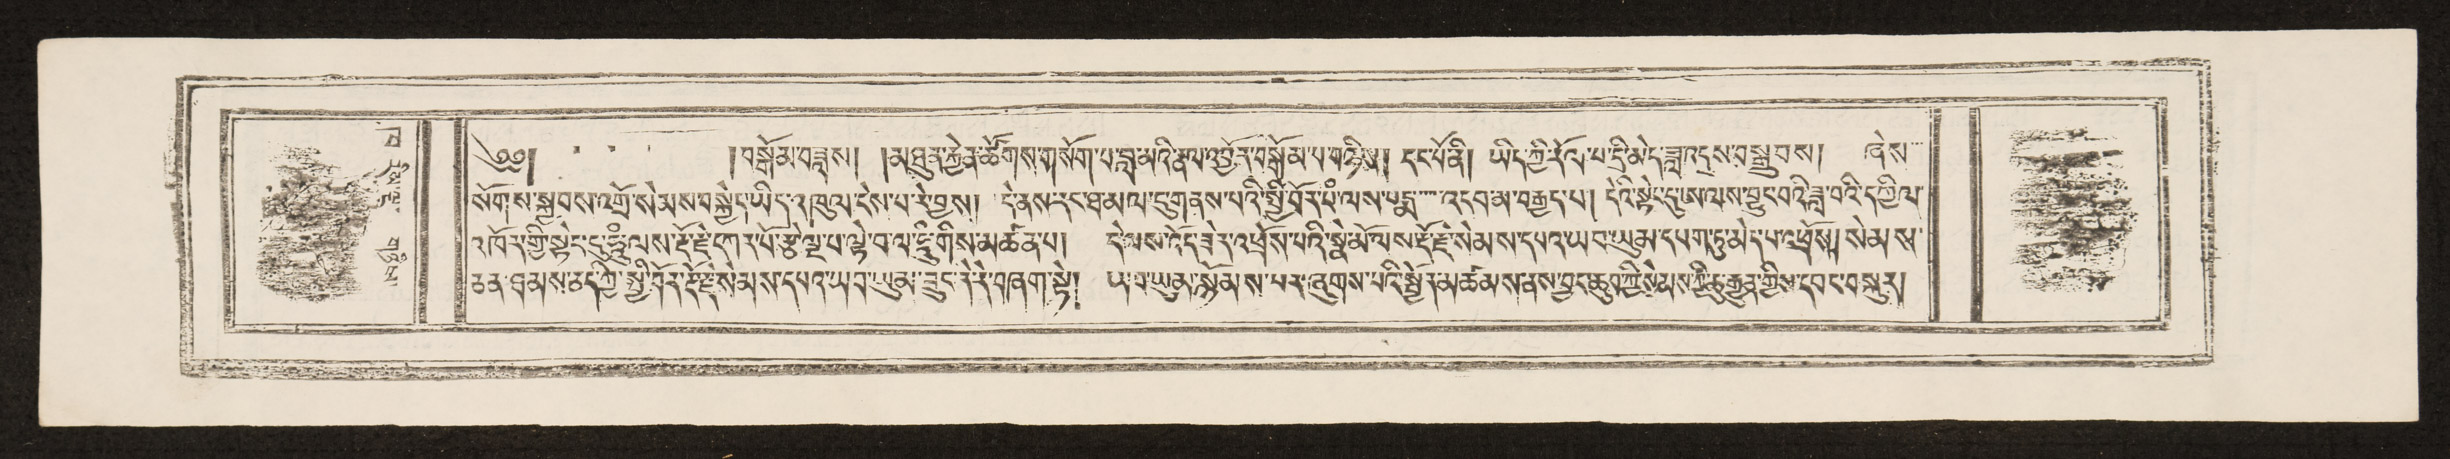༄༅། །བསྒོམ་བཟླས། མཐུན་རྐྱེན་ཚོགས་གསོག་པ་བླ་མའི་རྣལ་འབྱོར་བསྒོམ་པ་གཉིས། དང་པོ་ནི། ཡིད་ཀྱི་རོལ་པ་དྲི་མེད་ཟླ་འདྲས་བསྒྲུབས། ཞེས་
སོགས་སྐྱབས་འགྲོ་སེམས་བསྐྱེད་ཡིད་འཁུལ་ངེས་པར་བྱས། དེ་ནས་རང་ཐ་མལ་དུ་གནས་པའི་སྤྱི་བོར་བཾ་ལས་པདམ་འདབ་མ་བརྒྱད་པ། དེའི་སྟེང་དུ་ཨ་ལས་བྱུང་པའི་ཟླ་བའི་དཀྱིལ་
འཁོར་གྱི་སྟེང་དུ་ཧཱུཾ་ལས་རྡོ་རྗེ་དཀར་པོ་རྩེ་ལྔ་བ་ལྟེ་བ་ལ་ཧཱུཾ་གིས་མཚན་པ། དེ་ལས་འོད་ཟེར་འཕྲོས་པའི་སྣེ་མོ་ལས་རྡོ་རྗེ་སེམས་དཔའ་ཡབ་ཡུམ་དཔག་ཏུ་མེད་པ་འཕྲོས། སེམས་
ཅན་ཐམས་ཅད་ཀྱི་སྤྱི་བོར་རྡོ་རྗེ་སེམས་དཔའ་ཡབ་ཡུམ་ཟུང་རེ་རེ་བཞག་སྟེ། ཡབ་ཡུམ་སྙོམས་པར་ཞུགས་པའི་སྦྱོར་མཚམས་ནས་བྱང་ཆུབ་ཀྱི་སེམས་ཀྱི་ཆུ་རྒྱུན་གྱིས་དབང་བསྐུར།